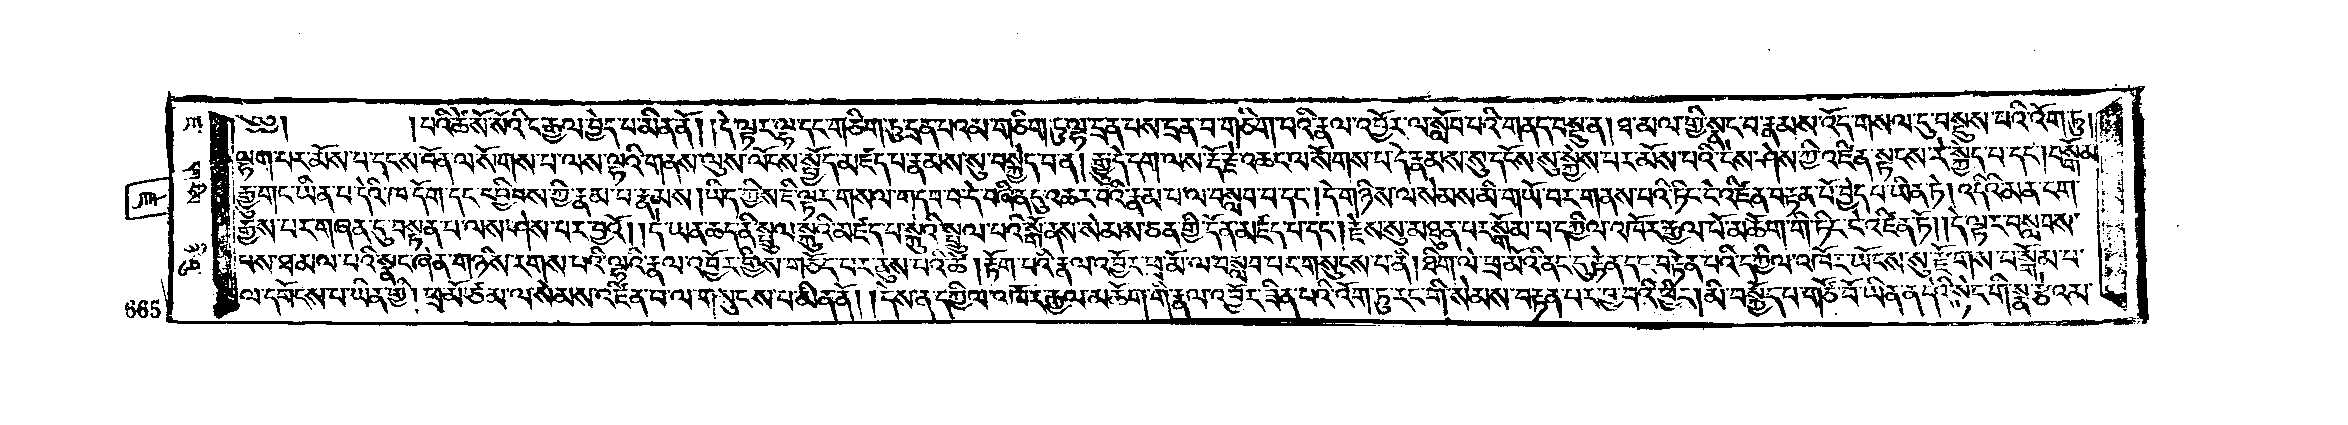༄༅། །པའི་ཚེ་སོ་སོའི་ང་རྒྱལ་བྱེད་པ་མིན་ནོ། །དེ་ལྟར་ལྷ་དང་གཅིག་ཏུ་དྲན་པའམ་གཅིག་ཏུ་ལྷ་དྲན་པས་དྲན་པ་གཅིག་པའི་རྣལ་འབྱོར་ལ་སློབ་པའི་གནད་བསྡུ་ན། ཐ་མལ་གྱི་སྣང་བ་རྣམས་འོད་གསལ་དུ་བསྡུས་པའི་འོག་ཏུ།
ལྷག་པར་མོས་པ་དང་ས་བོན་ལ་སོགས་པ་ལས་ལྷའི་གནས་ལུས་ལོངས་སྤྱོད་མཛད་པ་རྣམས་སུ་བསྐྱེད་པ་ན། རྒྱུ་དེ་དག་ལས་རྡོ་རྗེ་འཆང་ལ་སོགས་པ་དེ་རྣམས་སུ་དངོས་སུ་སྐྱེས་པར་མོས་པའི་ངེས་ཤེས་ཀྱི་འཛིན་སྟངས་རེ་སྐྱེད་པ་དང་། བསྒོམ་
རྒྱུ་གང་ཡིན་པ་དེའི་ཁ་དོག་དང་དབྱིབས་ཀྱི་རྣམ་པ་རྣམས། ཡིད་ཀྱིས་ཇི་ལྟར་གསལ་གདབ་པ་དེ་བཞིན་དུ་འཆར་བའི་རྣམ་པ་ལ་བསླབ་པ་དང་། དེ་གཉིས་ལ་སེམས་མི་གཡོ་བར་གནས་པའི་ཏིང་ངེ་འཛིན་བརྟན་པོ་བྱེད་པ་ཡིན་ཏེ། འདིའི་མན་ངག་
རྒྱས་པར་གཞན་དུ་བསྟན་པ་ལས་ཤེས་པར་བྱའོ། །དེ་ཡན་ཆད་ནི་སྤྲུལ་སྐུའི་མཛད་པ་སྐུའི་སྤྲུལ་པའི་སྒོ་ནས་སེམས་ཅན་གྱི་དོན་མཛད་པ་དང་། རྗེས་སུ་མཐུན་པར་སྒོམ་པ་དཀྱིལ་འཁོར་རྒྱལ་པོ་མཆོག་གི་ཏིང་ངེ་འཛིན་ཏོ། །དེ་ལྟར་བསླབས་
པས་ཐ་མལ་པའི་སྣང་ཞེན་གཉིས་རགས་པའི་ལྷའི་རྣལ་འབྱོར་གྱིས་གཅོད་པར་ནུས་པའི་ཚེ། རྟོག་པའི་རྣལ་འབྱོར་ཕྲ་མོ་ལ་བསླབ་པར་གསུངས་པ་ནི། ཐིག་ལེ་ཕྲ་མོའི་ནང་དུ་རྟེན་དང་བརྟེན་པའི་དཀྱིལ་འཁོར་ཡོངས་སུ་རྫོགས་པ་སྒོམ་པ་
ལ་དགོངས་པ་ཡིན་གྱི། ཕྲ་མོ་ཙམ་ལ་སེམས་འཛིན་པ་ལ་གསུངས་པ་མིན་ནོ། །དེས་ན་དཀྱིལ་འཁོར་རྒྱལ་མཆོག་གི་རྣལ་འབྱོར་ཟིན་པའི་འོག་ཏུ་རང་གི་སེམས་བརྟན་པར་བྱ་བའི་ཕྱིར། མི་བསྐྱོད་པ་གཙོ་བོ་ཡིན་ན་དེའི་སྟེང་གི་སྣ་རྩེའམ་